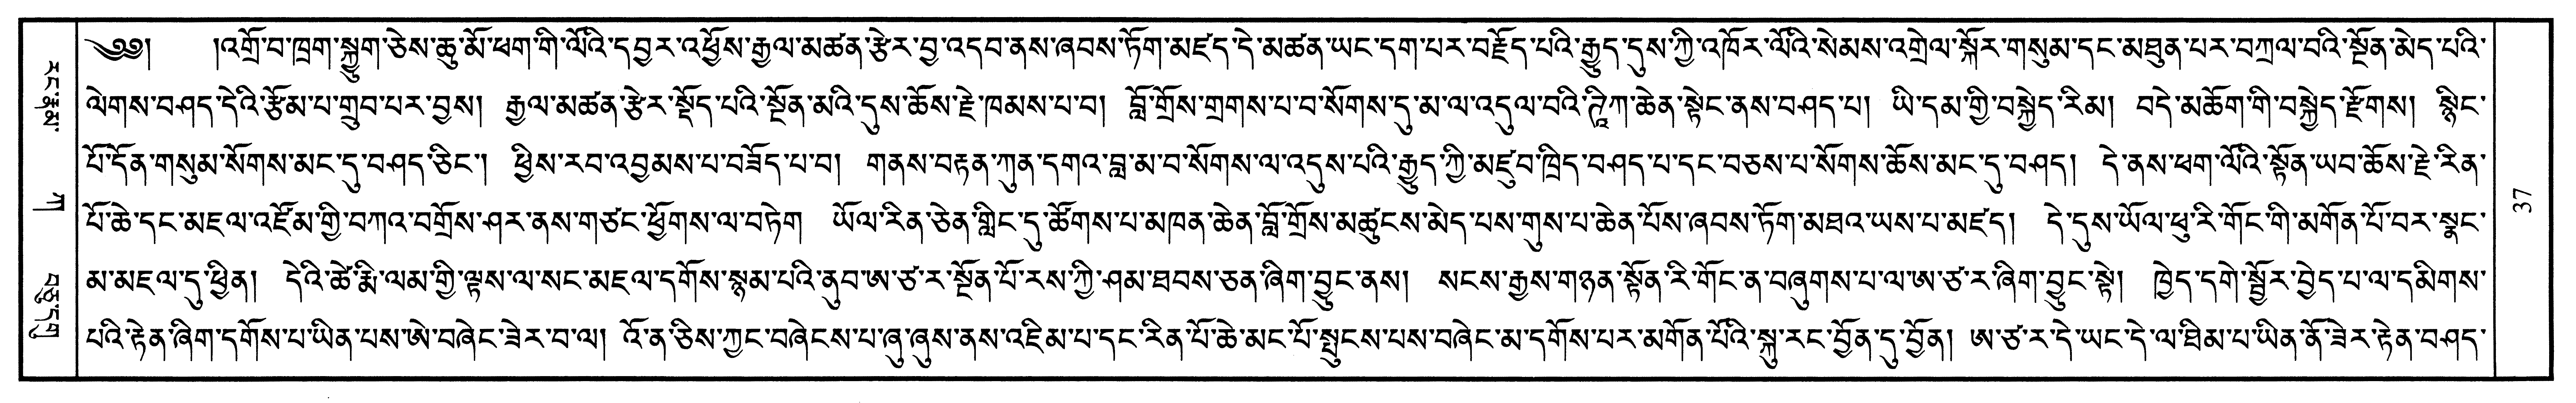༄༅། །འགྲོ་བ་ཁྲག་སྐྱུག་ཅེས་ཆུ་མོ་ཕག་གི་ལོའི་དབྱར་འཕྱོས་རྒྱལ་མཚན་རྩེར་བྱ་འདབ་ནས་ཞབས་ཏོག་མཛད་དེ་མཚན་ཡང་དག་པར་བརྗོད་པའི་རྒྱུད་དུས་ཀྱི་འཁོར་ལོའི་སེམས་འགྲེལ་སྐོར་གསུམ་དང་མཐུན་པར་བཀྲལ་བའི་སྔོན་མེད་པའི་
ལེགས་བཤད་དེའི་རྩོམ་པ་གྲུབ་པར་བྱས། རྒྱལ་མཚན་རྩེར་སྡོད་པའི་སྔོན་མའི་དུས་ཆོས་རྗེ་ཁམས་པ་བ། བློ་གྲོས་གྲགས་པ་བ་སོགས་དུ་མ་ལ་འདུལ་བའི་ཊཱིཀ་ཆེན་སྟེང་ནས་བཤད་པ། ཡི་དམ་གྱི་བསྐྱེད་རིམ། བདེ་མཆོག་གི་བསྐྱེད་རྫོགས། སྙིང་
པོ་དོན་གསུམ་སོགས་མང་དུ་བཤད་ཅིང་། ཕྱིས་རབ་འབྱམས་པ་བཟོད་པ་བ། གནས་བརྟན་ཀུན་དགའ་བླ་མ་བ་སོགས་ལ་འདུས་པའི་རྒྱུད་ཀྱི་མཛུབ་ཁྲིད་བཤད་པ་དང་བཅས་པ་སོགས་ཆོས་མང་དུ་བཤད། དེ་ནས་ཕག་ལོའི་སྟོན་ཡབ་ཆོས་རྗེ་རིན་
པོ་ཆེ་དང་མཇལ་འཛོམ་གྱི་བཀའ་བགྲོས་ཤར་ནས་གཙང་ཕྱོགས་ལ་བཏེག། ཡོལ་རིན་ཅེན་གླིང་དུ་ཚོགས་པ་མཁན་ཆེན་བློ་གྲོས་མཚུངས་མེད་པས་གུས་པ་ཆེན་པོས་ཞབས་ཏོག་མཐའ་ཡས་པ་མཛད། དེ་དུས་ཡོལ་ཕུ་རི་གོང་གི་མགོན་པོ་བར་སྣང་
མ་མཇལ་དུ་ཕྱིན། དེའི་ཚེ་རྨི་ལམ་གྱི་ལྟས་ལ་སང་མཇལ་དགོས་སྙམ་པའི་ནུབ་ཨ་ཙ་ར་སྔོན་པོ་རས་ཀྱི་ཤམ་ཐབས་ཅན་ཞིག་བྱུང་ནས། སངས་རྒྱས་གཉན་སྟོན་རི་གོང་ན་བཞུགས་པ་ལ་ཨ་ཙ་ར་ཞིག་བྱུང་སྟེ། ཁྱེད་དགེ་སྦྱོར་བྱེད་པ་ལ་དམིགས་
པའི་རྟེན་ཞིག་དགོས་པ་ཡིན་པས་ཨེ་བཞེང་ཟེར་བ་ལ། འོ་ན་ཅིས་ཀྱང་བཞེངས་པ་ཞུ་ཞུས་ནས་འཇིམ་པ་དང་རིན་པོ་ཆེ་མང་པོ་སྤུངས་པས་བཞེང་མ་དགོས་པར་མགོན་པོའི་སྐུ་རང་བྱོན་དུ་བྱོན། ཨ་ཙ་ར་དེ་ཡང་དེ་ལ་ཐིམ་པ་ཡིན་ནོ་ཟེར་རྟེན་བཤད་